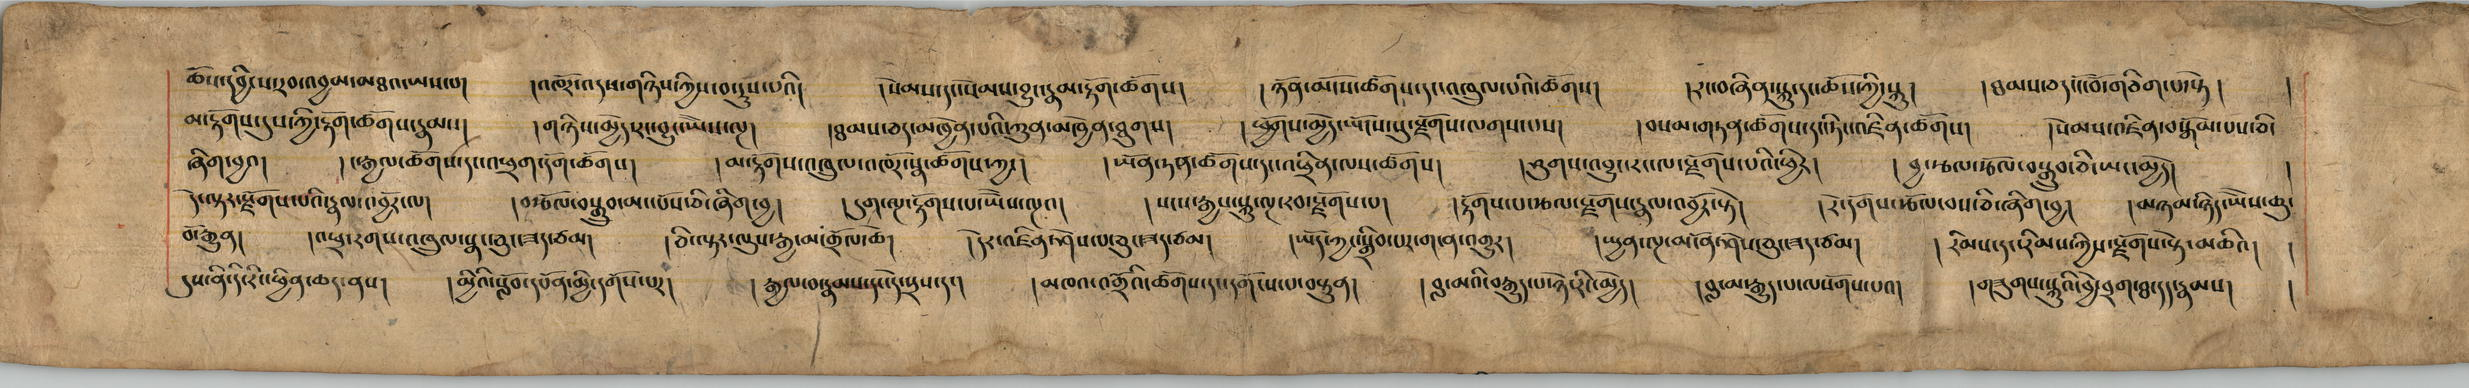ཆོས་དབྱིངས་རབ་འབྱམ་མཐའ་ཡས་པ། །འཁོར་འདས་གཉིས་ཀྱིས་བསྡུས་པའི། །སེམས་དང་སེམས་བྱུང་རྣམ་རྟོག་ཚོགས། །ཉོན་མོངས་ཚོགས་དང་འཁྲུལ་པའི་ཚོགས། །རང་བཞིན་སྐུ་དང་ཆོས་ཀྱི་སྐུ། །ཐམས་ཅད་ངོ་བོ་གཅིག་པ་སྟེ།
མ་རྟོགས་དུས་ཀྱི་རྟོགས་ཚོགས་རྣམས། །གཉིས་མྱེད་རང་བྱུང་ཡཻས་ལྔ། །ཐམས་ཅད་མཁྱེན་པའི་ཀུན་མཁྱེན་ཐུགས། །ཕྱོགས་མྱེད་ཡོངས་སུ་སྫོགས་ལགས་པས། །བསམ་གཏན་ཚོགས་དང་ཏིང་འཛིན་ཚོགས། །སེམས་འཛིན་བསྒོམ་པས་ཅི་
ཞིག་བྱའ། །ང་རྒྱལ་ཚོགས་དང་འཕྲག་དོག་ཚོགས། །མ་རྟོགས་འཁྲུལ་འཁོར་སྣ་ཚོགས་ཀྱང། །ཡོན་ཏན་ཚོགས་དང་འཕྲིན་ལས་ཚོགས། །ཤུགས་འབྱུང་རང་ལ་སྫོགས་པའི་ཕྱིར། །བྱ་རྩལ་རྩོལ་བསྒྲུབ་ཅི་ཡང་མྱེད།
དེ་ལྟར་སྫོགས་པའི་རྣལ་འབྱོར་ལ། །བརྩོལ་བསྒྲུབ་མང་པོས་ཅི་ཞིག་བྱ། །དུག་ལྔ་རྟོགས་པ་ཡཻས་ལྔའ། །སངས་རྒྱས་སྐུ་ལྔ་རབ་སྫོགས་པ། །རྟོགས་པ་རྩལ་སྫོགས་རྣལ་འབྱོར་སྟེ། །རེ་དོགས་རྩོལ་བས་ཅི་ཞིག་བྱ། །མཉམ་ཉིད་ཡཻས་ཆུ་
བོ་རྒྱུན། །འཕྲ་རགས་འཁྲུལ་སྣང་ཅུང་ཟད་ཙམ། །ཅི་ལྟར་ལུས་རྒྱ་མ་གྲོལ་ཚེ། །དེར་འཛིན་ཤེས་པ་ཅུང་ཟད་ཙམ། །ཡོད་ཀྱང་སྒྲིབ་པར་ག་ན་འགྱུར། །སྤྱན་ལྔ་མངོན་ཤེས་ཅུང་ཟད་ཙམ། །རིམས་དང་རིམས་ཀྱིས་སྫོགས་སྟེ་མཆིའ། །
དུས་ནི་དེ་རིང་ཕྱིན་ཆད་ནས། །མྱིའི་སློབ་དཔོན་མྱི་དགོས་པར། །རྒྱལ་བ་རྣམས་དང་དེ་སྲས་དང། །མཁའ་འགྲོའི་ཚོགས་དང་དགོངས་པ་བསྟུན། །བླ་མའི་བརྒྱུད་པ་ཉེ་རིང་མྱེད། །བླ་མ་རྒྱུད་པ་ལསོགས་པའ། །གཟུགས་སྐུའི་བྱེ་བྲག་ཐ་དད་རྣམས།